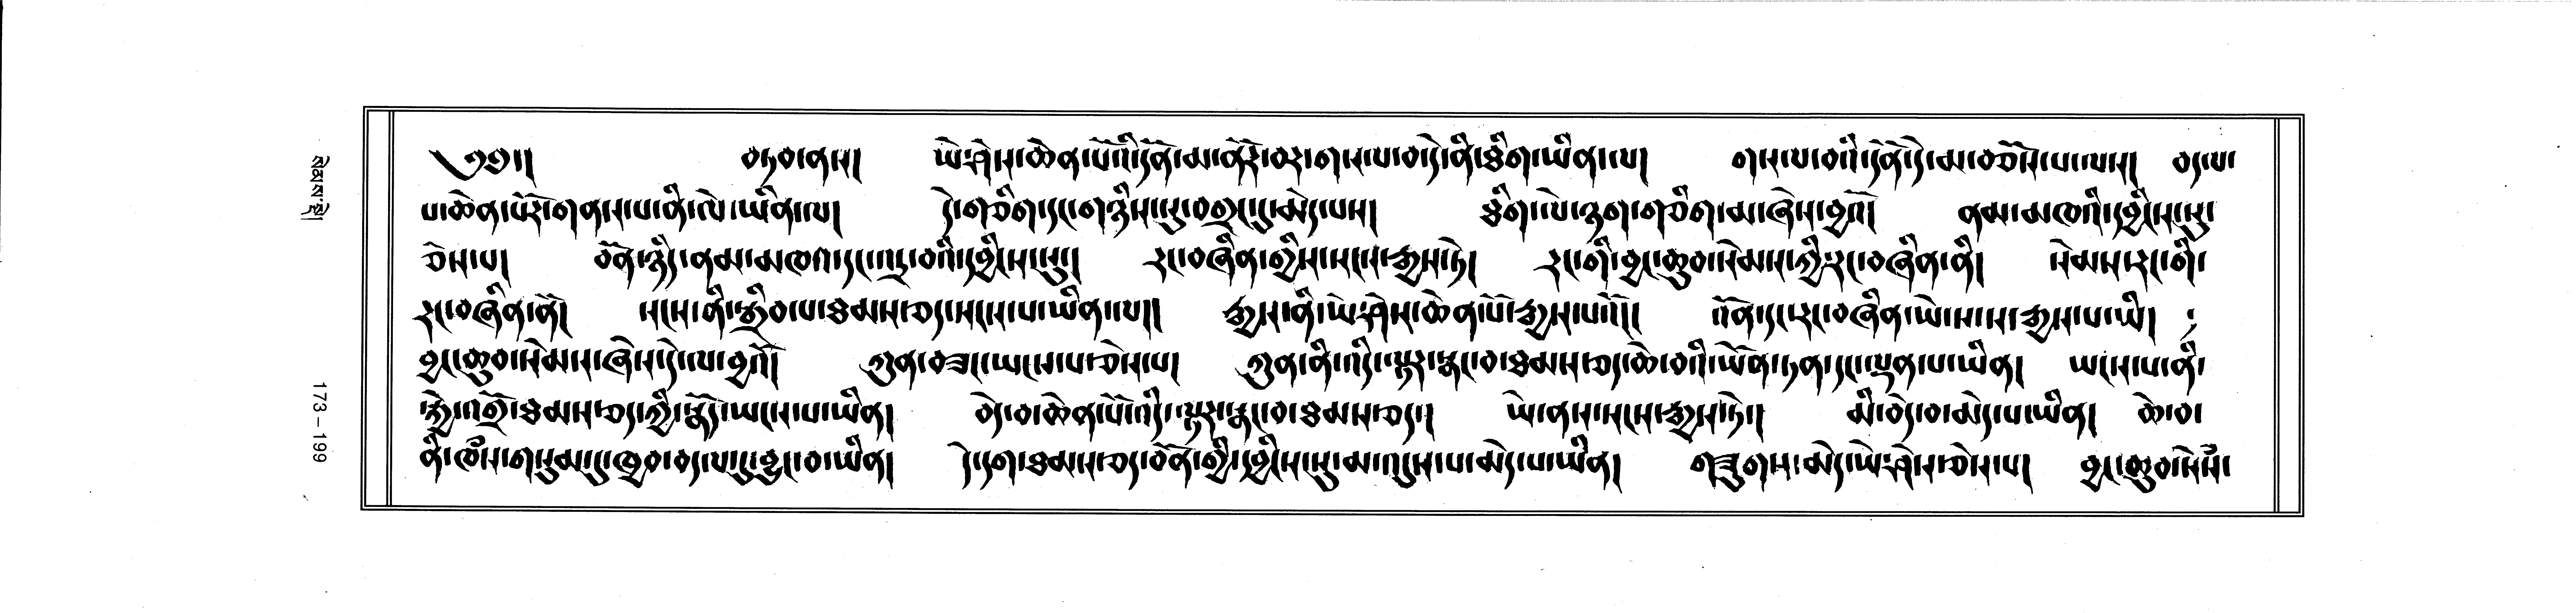བཏབ་ནས། ཡེ་ཤེས་ཆེན་པོའི་དོན་མ་ནོར་བར་གསལ་བ་དེ་ནི་ཐིག་ཡིན་ལ། གསལ་བའི་དོན་དེ་མ་བཅོས་པ་ལས། བདལ་
པ་ཆེན་པོར་གནས་པ་ནི་ལེ་ཡིན་ལ། དེ་གཅིག་དང་གཉིས་སུ་བགྲང་དུ་མེད་པས། ཐིག་ལེ་ཉག་གཅིག་མ་ཞེས་བྱའོ། །ནམ་མཁའི་དབྱིངས་སུ་
ཅེས་པ། བོན་ཉིད་ནམ་མཁའ་དང་འདྲ་བའི་དབྱིངས་སུ། རང་བཞིན་གྱིས་སངས་རྒྱས་ཏེ། རང་གི་བྱང་ཆུབ་སེམས་ཀྱི་རང་བཞིན་ནི། སེམས་རང་གི་
རང་བཞིན་ནོ། །སངས་ནི་སྒྲིབ་པ་ཐམས་ཅད་ལས་སངས་པ་ཡིན་ལ། རྒྱས་ནི་ཡེ་ཤེས་ཆེན་པོ་རྒྱས་པའོ། །འོན་དང་རང་བཞིན་ཡེ་སངས་རྒྱས་པ་ཡི། 
བྱང་ཆུབ་སེམས་ཞེས་དེ་ལ་བྱའོ། །ཀུན་བཟང་ཡངས་པ་ཅེས་པ། ཀུན་ནི་འདི་ལྟར་སྣང་བ་ཐམས་ཅད་ཆེ་བའི་ཡོན་ཏན་དང་ལྡན་པ་ཡིན། ཡངས་པ་ནི་
སྐྱེ་འགྲོ་ཐམས་ཅད་ཀྱི་སྣོད་ཡངས་པ་ཡིན། བདེ་བ་ཆེན་པོ་འདི་ལྟར་སྣང་བ་ཐམས་ཅད། ཡེ་ནས་སངས་རྒྱས་ཏེ། མི་བདེ་བ་མེད་པ་ཡིན། ཆེ་བ་
ནི་ཁམས་གསུམ་དུ་ཁྱབ་བདལ་དུ་བྱུང་བ་ཡིན། དེ་དག་ཐམས་ཅད་བོན་གྱི་དབྱིངས་སུ་མ་འདུས་པ་མེད་པ་ཡིན། གཟུགས་མེད་ཡེ་ཤེས་ཅེས་པ། བྱང་ཆུབ་སེམས་